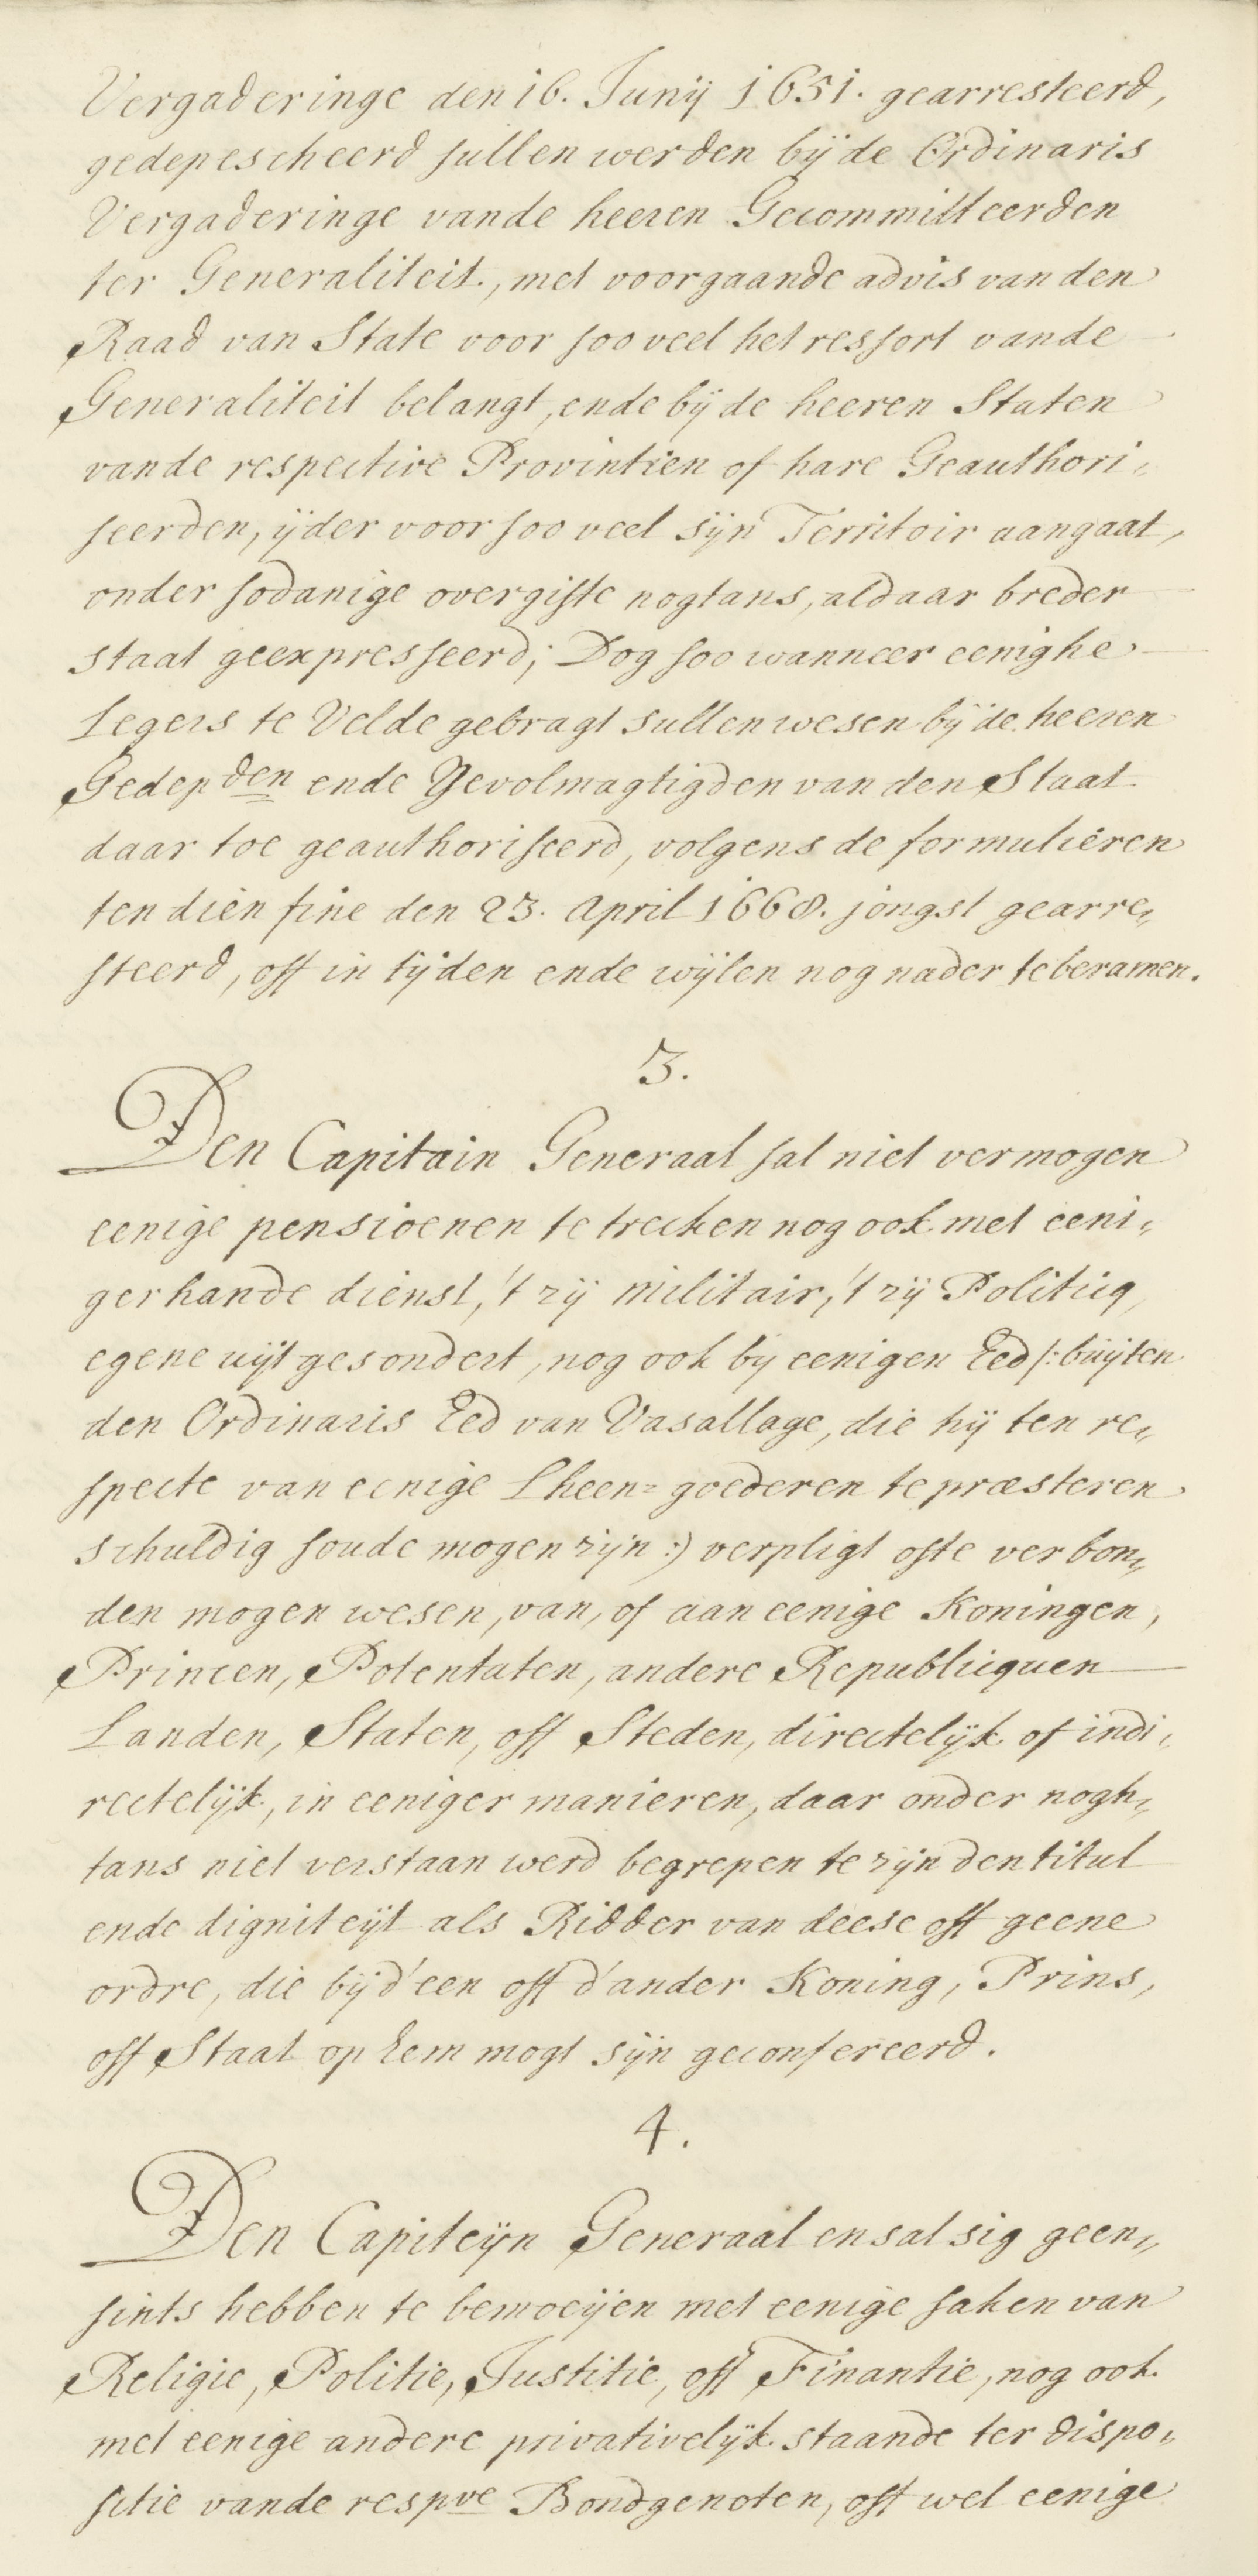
Vergaderinge den 16. Junij 1651. gearresteert,
gedepescheert sullen werden bij de Ordinaris
Vergaderinge van de heeren Gecommitteerden
ter Generaliteit, met voorgaande advis van den
Raad van State voor soo veel het ressort vande
Generaliteit belangt, ende bij de heeren Staten
van de respective Provintien of hare Geauthori,
seerden, ijder voor soo veel sijn Territoir aangaat,
onder sodanige overgifte nogtans, aldaar breder
staat geexpresseerd; Dog soo wanneer eenighe
legers te velde gebragt sullen wesen bij de heeren
Gedepden ende Gevolmagtigden van den Staat,,
daar toe geauthoriseerd, volgens de formulieren
ten dien fine den 23. April 1668 jongst gearre„
steerd, off in tijden ende wijlen nog nader te beramen.
3.
Den Capitain Generaal sal niet vermogen
eenige pensioenen te trecken nog ook met eeni„
gerhande dienst, 't zij militair, 't zij Politieq,
egene uijtgesondert, nog ook bij eenigen Eed (: buijten
den Ordinaris Eed van Vasallage, die hij ten re„
specte van eenige Lheen=goederen te presteren
schuldig soude mogen zijn :) verpligt ofte verbon„
den mogen wesen van, of aan eenige Koningen,
Princen, Potentaten, andere Republiequen
Landen, Staten, off Steden, directelijk of indi,,
rectelijk, in eeniger manieren, daar onder nogh„
tans niet verstaan werd begrepen te zijn den titel
ende digniteijt als Ridder van deese off geene
ordre, die bij d'een oft d'ander Koning, Prins,
oft Staat op hem mogt sijn gecontereerd.
4.
Den Capiteijn Generaal en sal sig geen,,
sints hebben te bemoeijen met eenige saken van
Religie, Politie, Justitie, oft Finantie, nog ook
met eenige andere privativelijk staande ter dispo,,
sitie vande respve Bondgenoten, oft wel eenige
